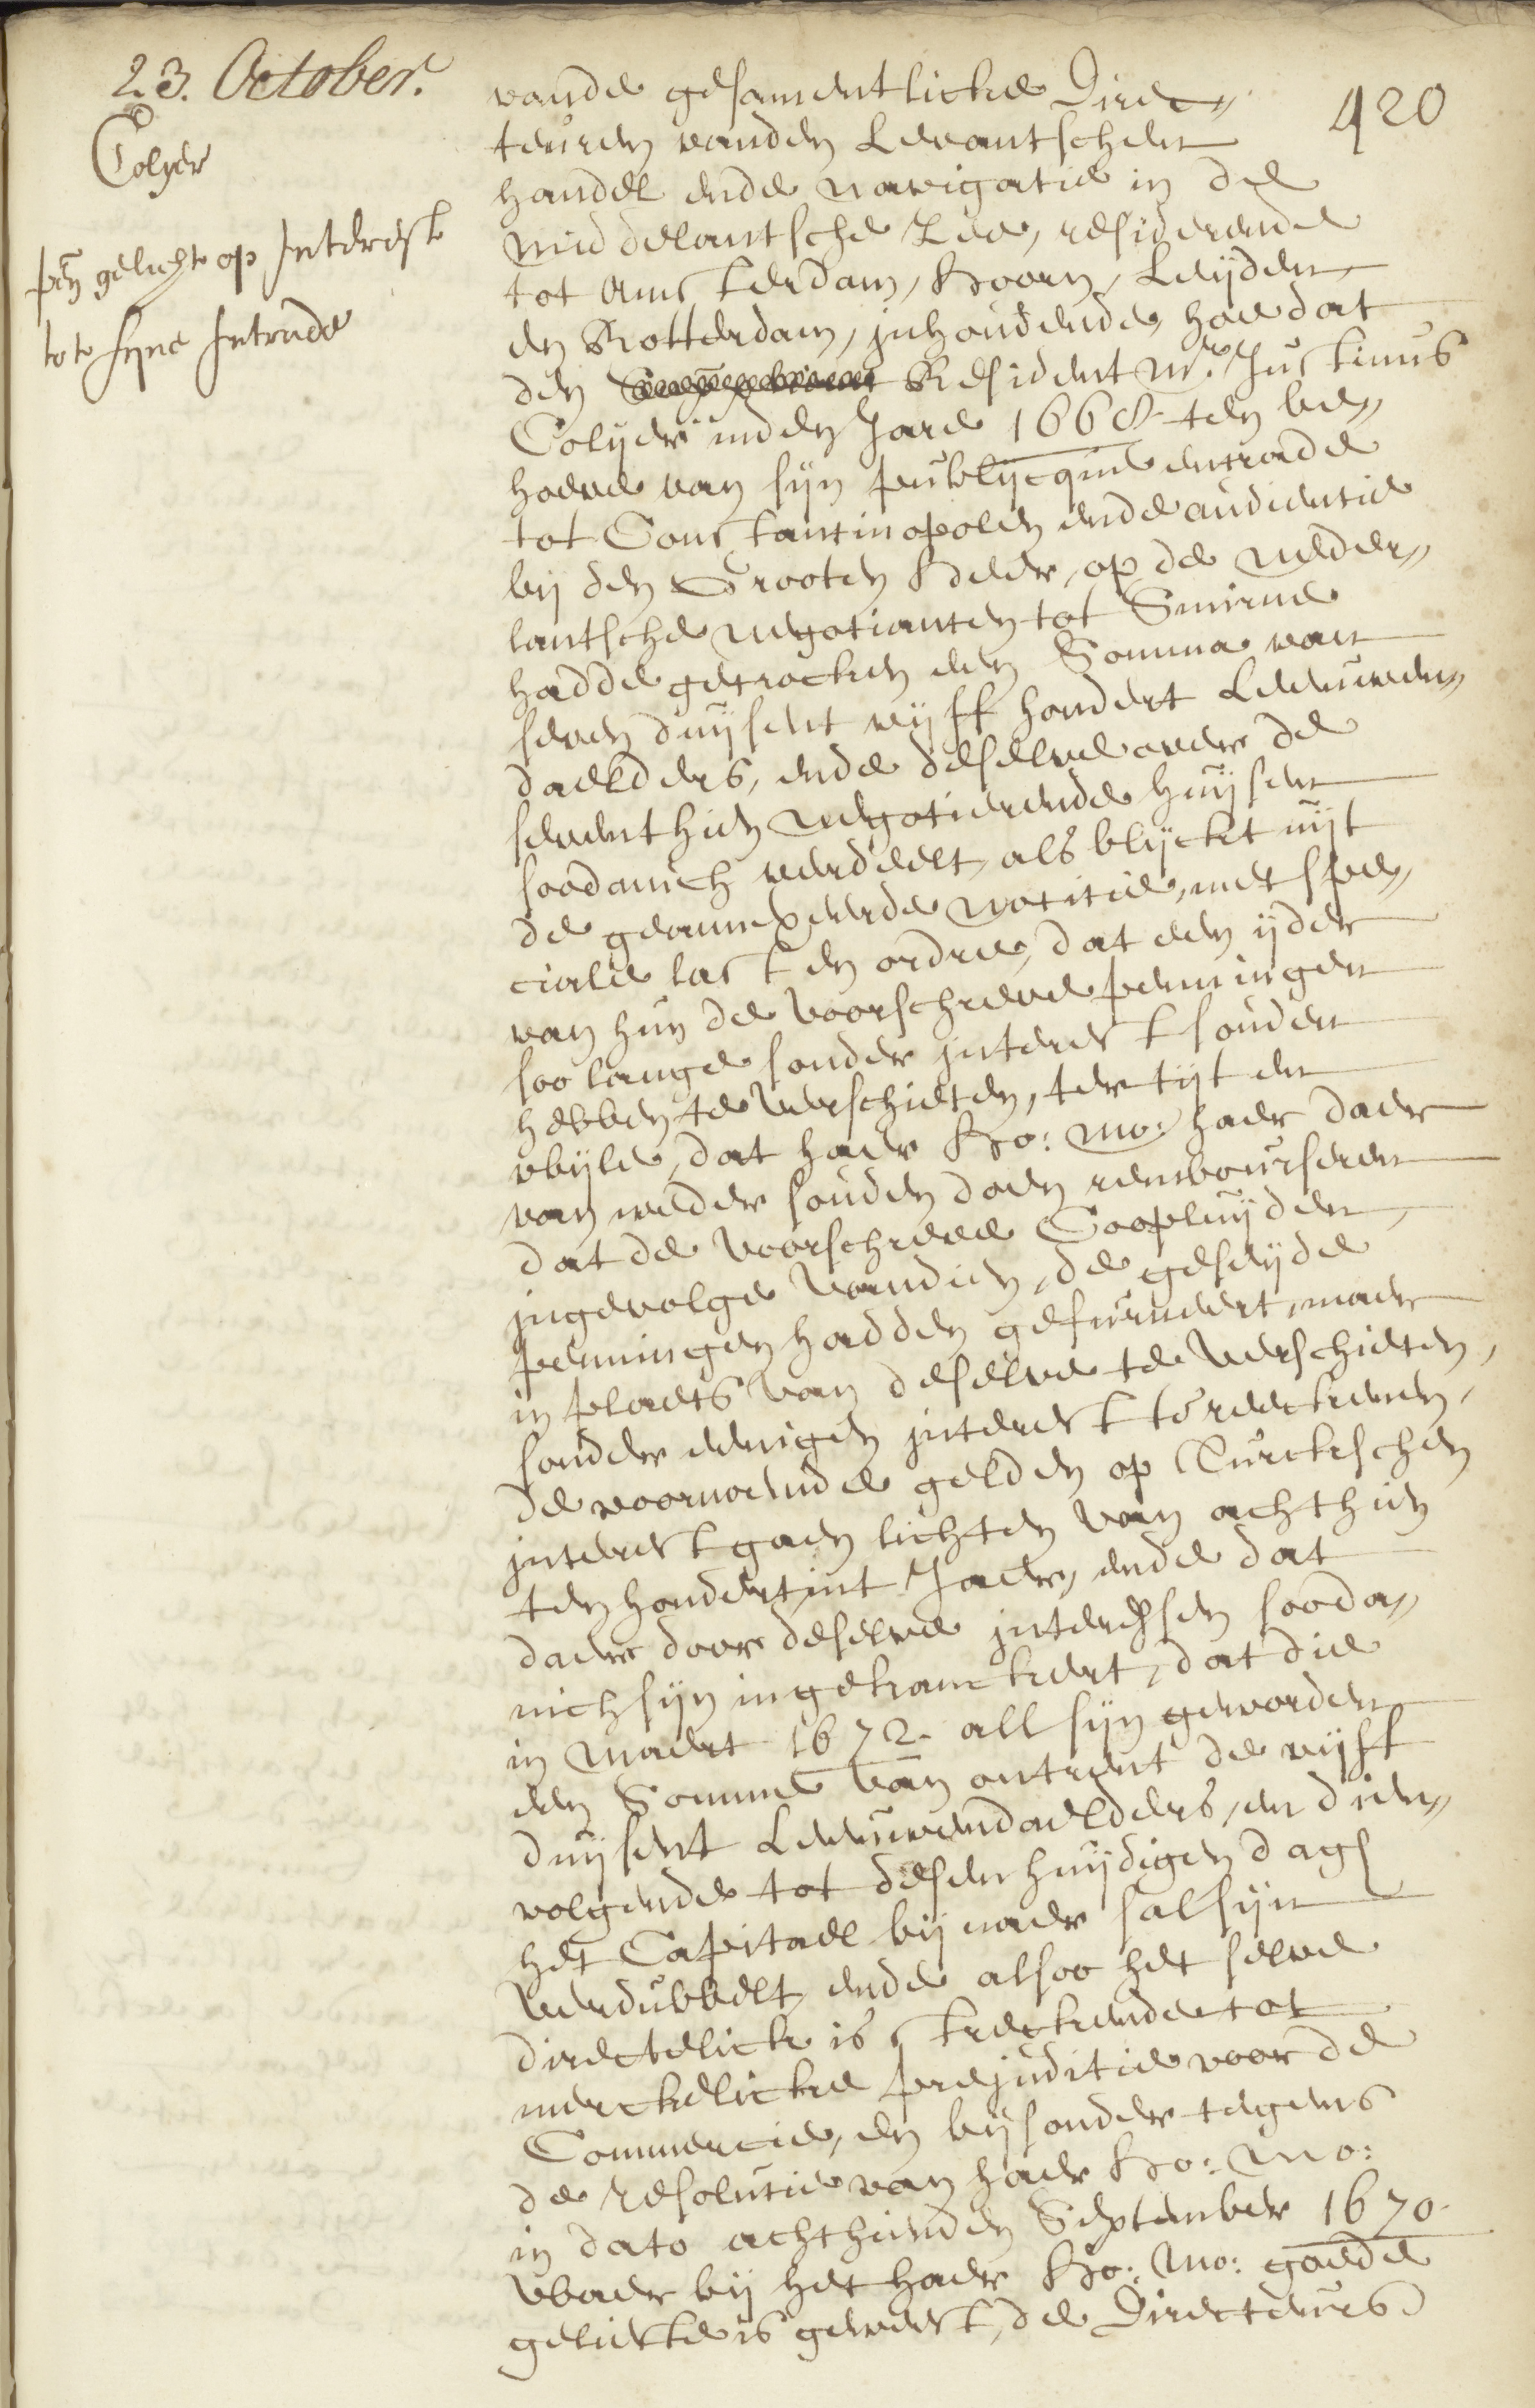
420
23. Ooctober.
Colyer
pen gelicht op Interest
tot syne intrede
vande gesamentlicke Direc„
teuren vanden Levantschen
handel ende navigatie in de
middelantsche Zee, residerende
tot Amsterdam, Hoorn, Leijden
en Rotterdam, inhoudende, hoe dat
den Suppliant Resident Mr. Justinus
Colijer inden jare 1668 ten be,
hoeve van sijn publijcque entrade
tot Constantinopolen ende audientie
bij den Grooten Heer, op de Neder„
lantsche negotianten tot Smirne
hadde getrocken een Somma van
seven duijsent vijff hondert Leeuwen„
daelders, ende deselve over de
seventhien negotierende huijsen
soodanich verdeelt, als blijckt uijt
de geannexeerde notitie, met spe„
ciale last en ordre dat een ijder
van hun de voorschreve penningen
soo lange sonder interest souden
hebben te verschieten, ter tijt en
wijle, dat haer Ho:Mo: haer daer
van weder souden doen rembourseren
dat de voorschreve Coopluijden
ingevolge vandien, de geseijde
penningen hadden gefurneert, maer
in plaets van deselve te verschieten,
souden eenigen interest te reeckenen
de voornoemde gelden op Turckschen
interest gaen lichten van achthien
ten hondert int Jaer, ende dat
daer door deselve interessen sooda„
nich sijn ingekanckert, dat die
in Maert 1672. all sijn geworden
een Somme van ontrent de vijff
duijsent Leeuwendaelders, en dien„
volgende tot desen huijdigen dagh
het Capitael bij naer sal sijn
verdubbelt, ende alsoo het selve
directelick is streckende tot
merckelicke prejuditie voor de
Commercie, en bijsonder tegens
de resolutie van haer Ho:Mo:
in dato achthienden September 1670
waer bij het haer Ho:Mo: goede
geliefte is geweest, de Directeurs
